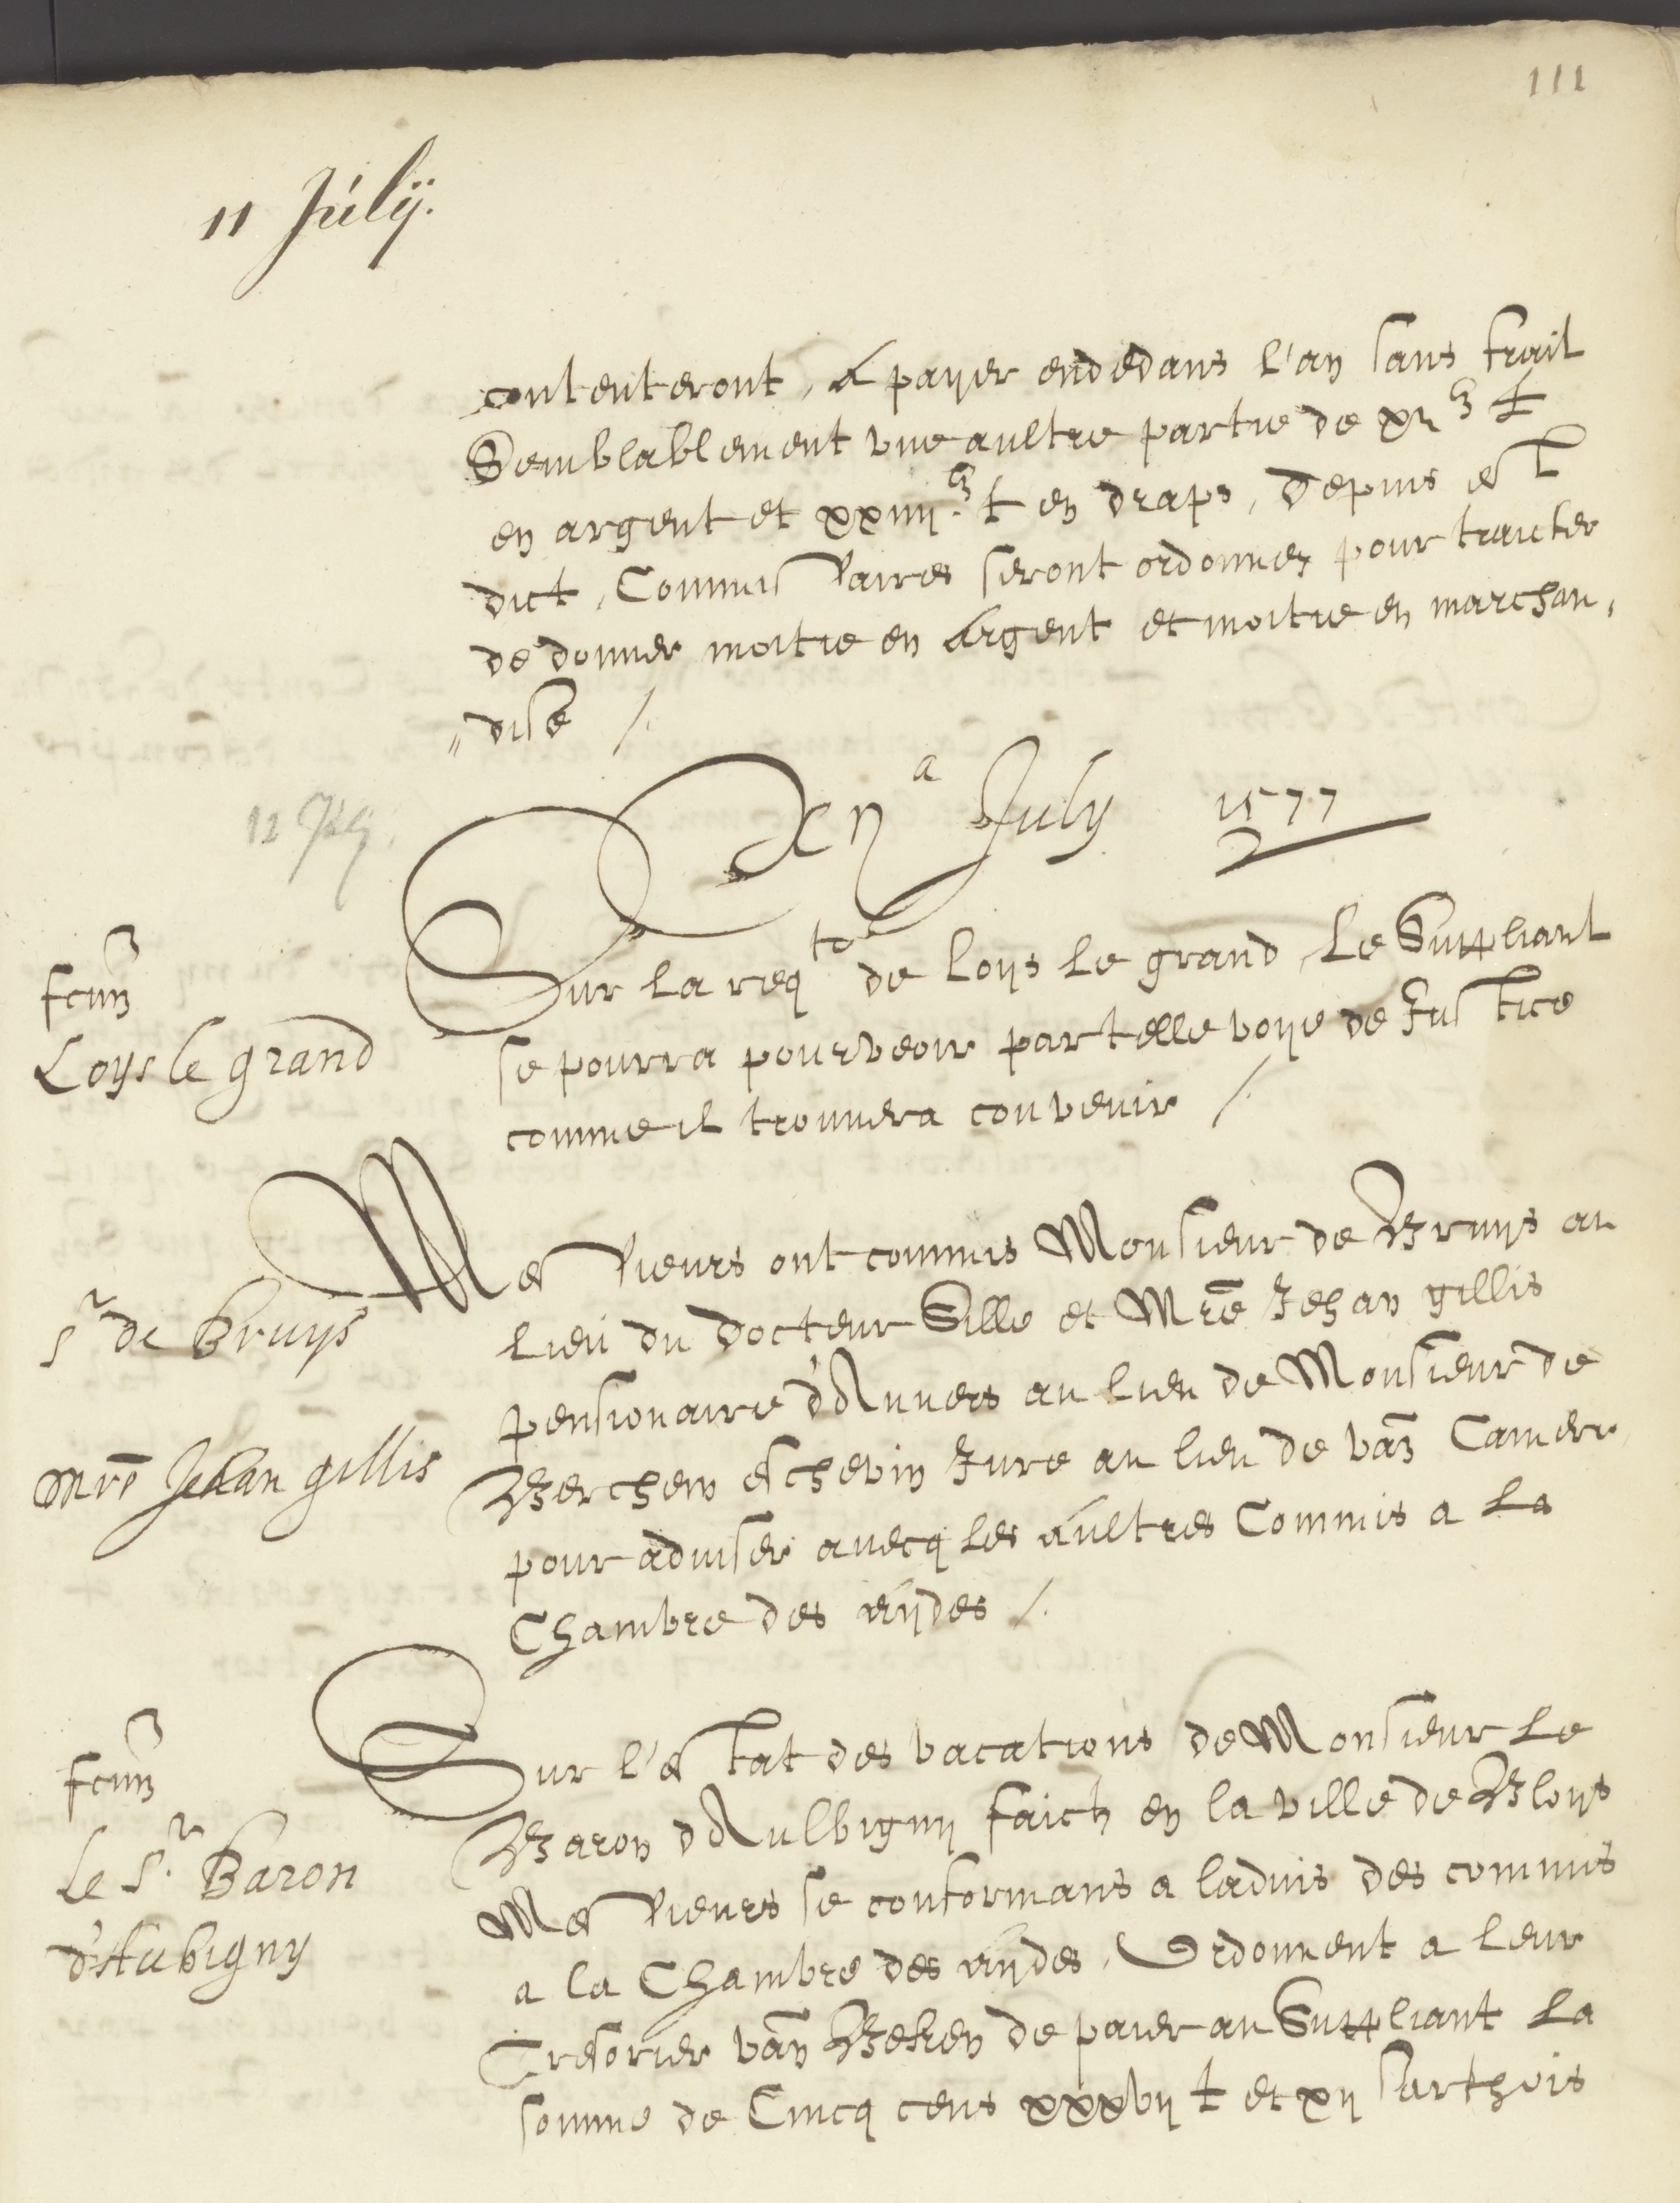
111
contenteront, a payer en dedans l‛an sans trail
Semblablement vue aultre partie de xiim. L.
en argent et xxiijm. L en draps, depuis est
dict, Commissaires seront ordonnez pour traicter
de donner moitie en argent et moitie en marchan,
„dise.
XIIa July 1577
11 Julij.
fcmn
Loys le grand
Sur la reqte de Loys le grand Le Suppliant
se pourra pourveoir par telle voye de Justice
comme il trouuera convenir
sr de Bruys
mre. Jehan gillis
Messieurs ont commis Monsieur de Bruys au
lieu du docteur Sille et Mre Jehan gillis
pensionaire d‛Anvers au lieu de Monsieur de
Berchem eschevin Jure au lieu de van Camere
pour adviser avecq les aultres Commis a la
Chambre des aydes
Fcmn
Le Sr. Baron
d‛Aubigny
Sur l‛estat des vacations de Monsieur le
Baron d'Aulbigny faict en la ville de Bloys
Messieurs se conformans a laduis des commis
a la Chambre des aydes, Ordonnent a leur
Tresorier van Beken de paier au Suppliant la
somme de Cincq cens xxxvij L et xij s arthois
